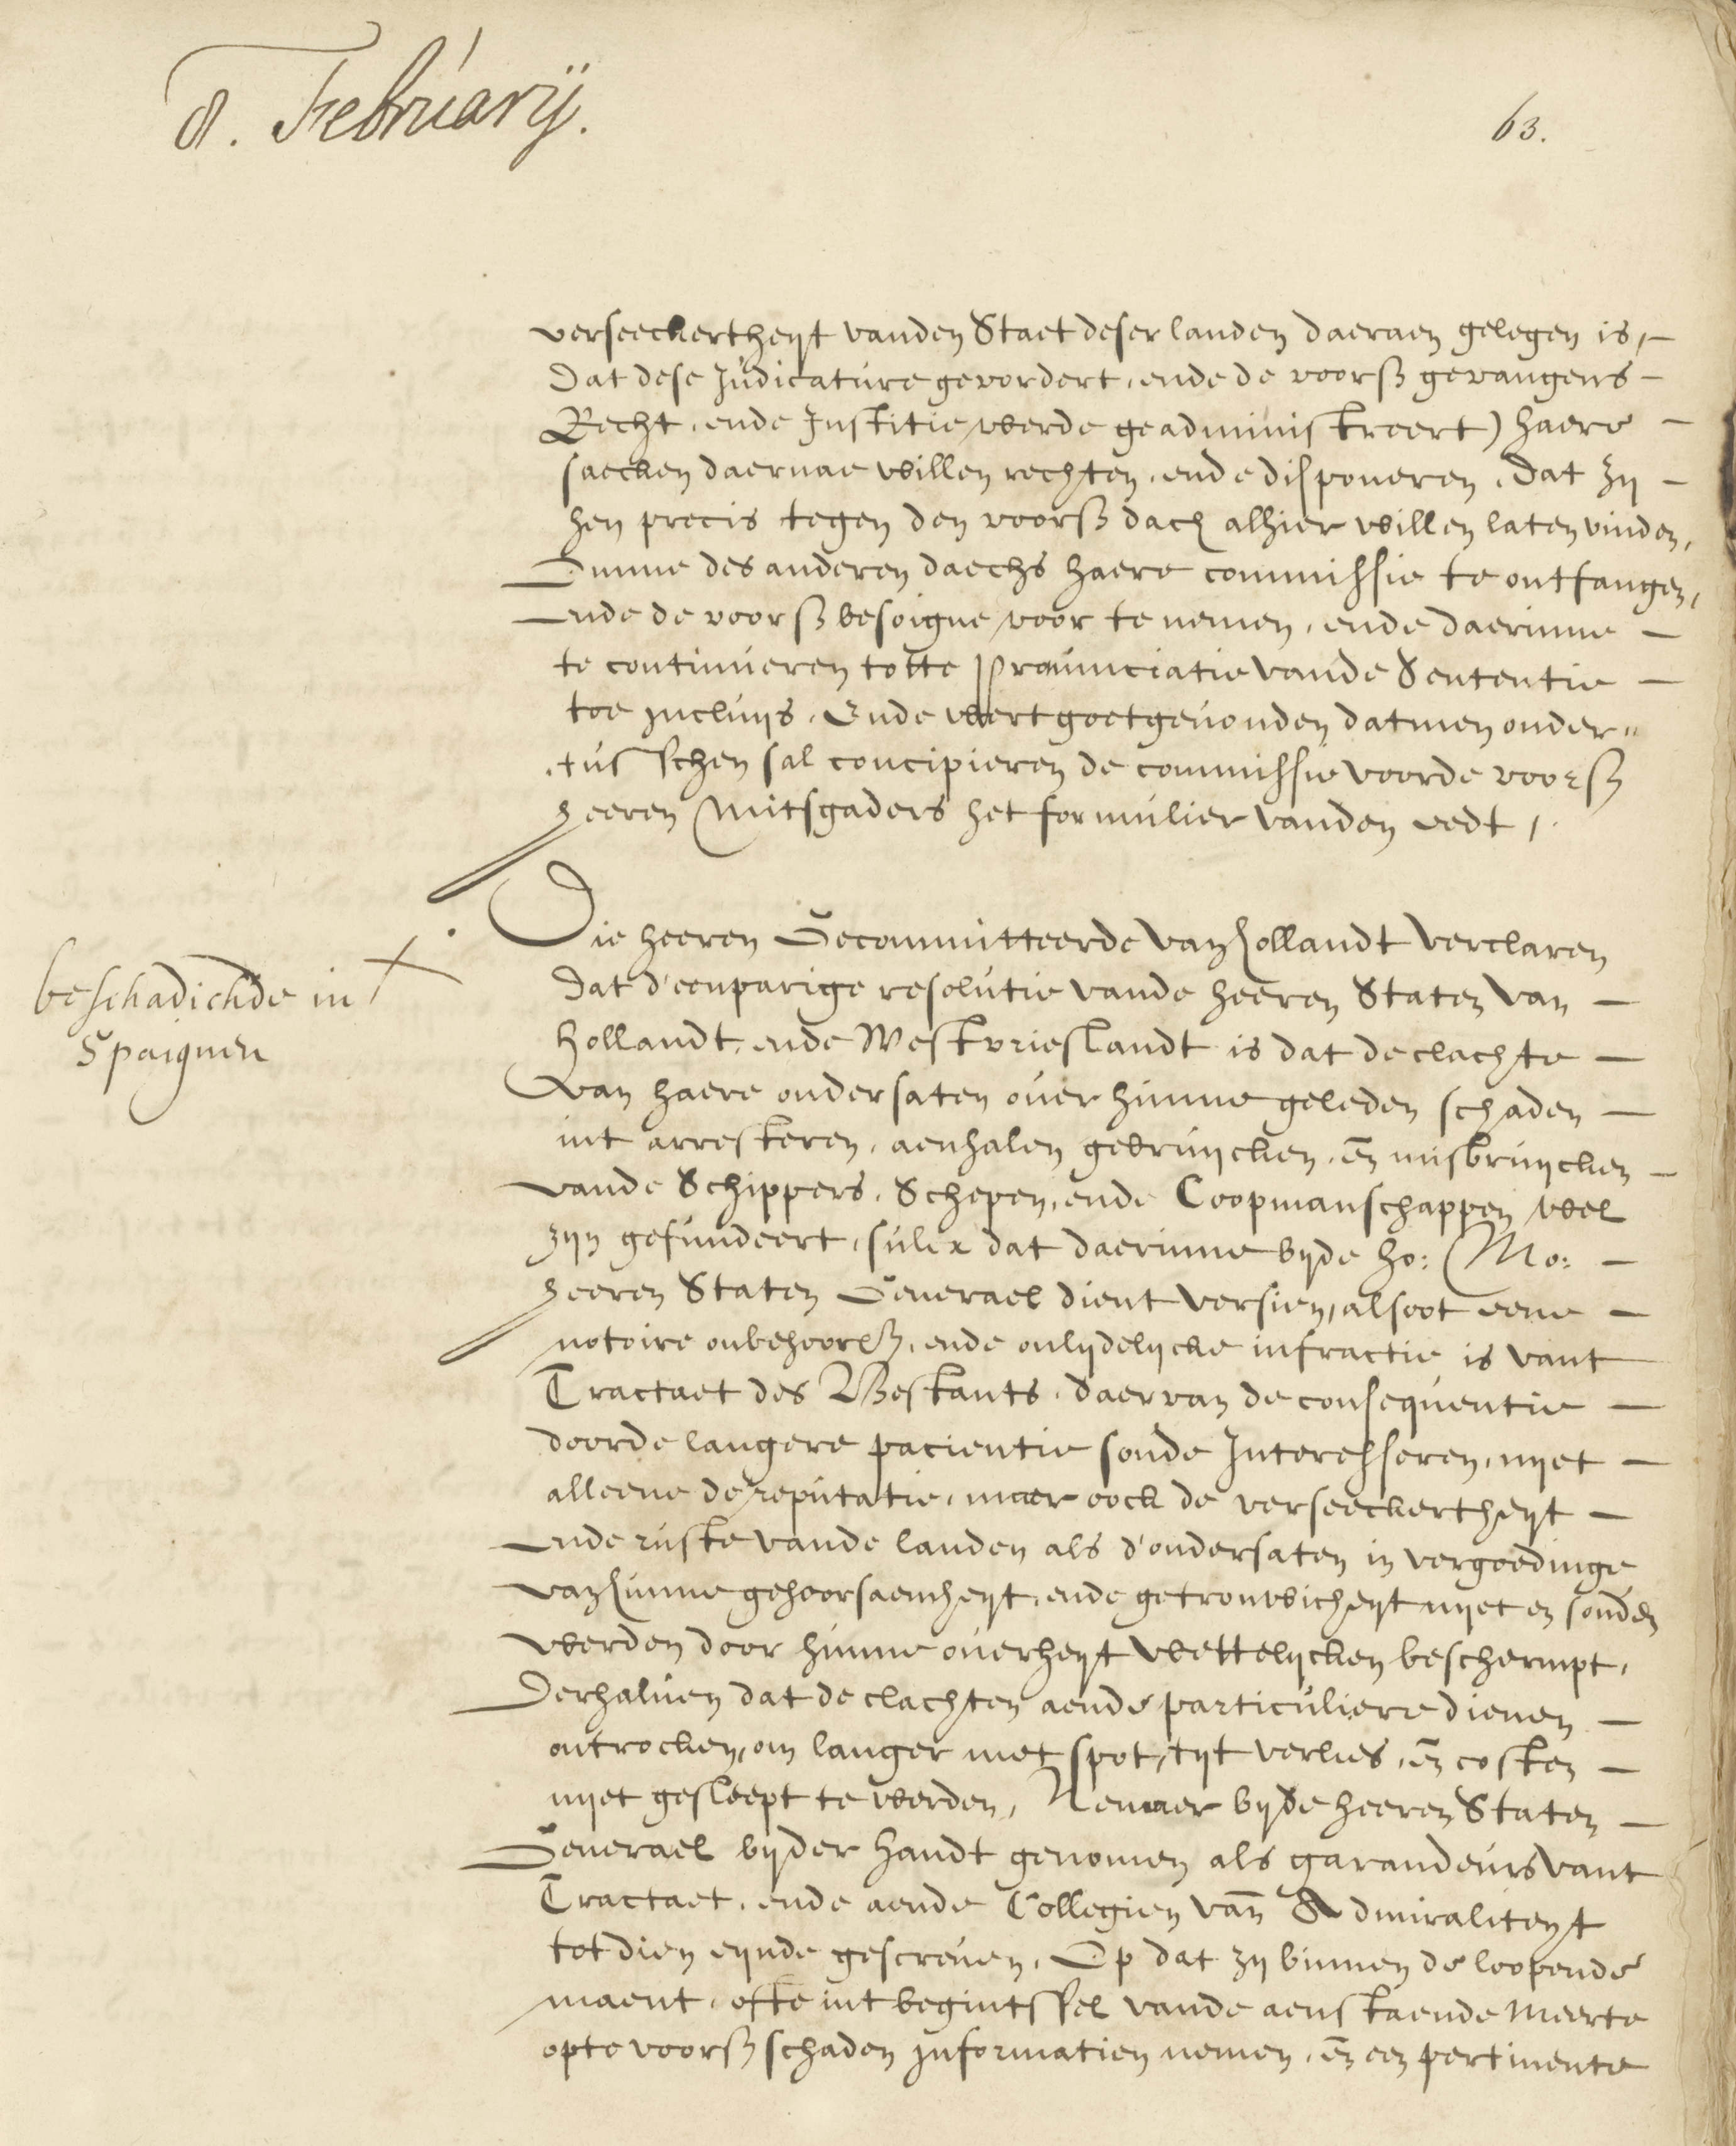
63.
8. Februarij.
verseeckertheyt vanden Staet deser landen daeraen gelegen is, —
dat dese Judicature gevordert, ende de voors gevangens -
Recht, ende Justitie werde geadministreert) haere
saecken daernae willen rechten, ende disponeren, dat zy
hen precis tegen den voors dach alhier willen laten vinden,
Omme des anderen daechs haere commissie te ontfangen,
ende de voors besoigne voor te nemen, ende daerinne
te continueren totte pronunciatie vande Sententie
toe incluys. Ende wert goetgeuonden datmen onder„
tusschen sal concipieren de commissie voorde voors
heeren mitsgaders het formulier vanden eedt.
beschadichde in
Spaignen
Die heeren Gecommitteerde van Hollandt verclaren
dat d'eenparige resolutie vande heeren Staten van
hollandt, ende Westvrieslandt is dat de clachte
van haere ondersaten ouer hunne geleden schaden
int arresteren, aenhalen gebruycken, en misbruycken
vande Schippers, Schepen, ende Coopmanschappen wel
zyn gefundeert, sulcx dat daerinne byde ho:Mo:
heeren Staten Generael dient versien, alsoot eene
notoire onbehoorl, ende onlydelycke infractie is vant
Tractaet des Bestants, daervan de consequentie
door de langere pacientie soude Interesseren, nyet
alleene de reputatie, maer oock de verseeckertheyt
ende ruste vande landen als d'ondersaten in vergoedinge
van hunne gehoorsaemheyt, ende getrouwicheyt nyet en souden
werden door hunne ouerheyt wettelycken beschermpt.
Derhaluen dat de clachten aende particuliere dienen
ontrocken, om langer met spot, tytverlies, en costen
nyet gesleept te werden, Nemaer byde heeren Staten
Generael byder handt genomen als garandeurs vant
Tractaet, ende aende Collegien van Admiraliteyt
tot dien eynde gescreuen. Op dat zy binnen de loopende
maent, ofte int begintssel vande aenstaende meerte
opte voors schaden informatien nemen, en een pertinente
